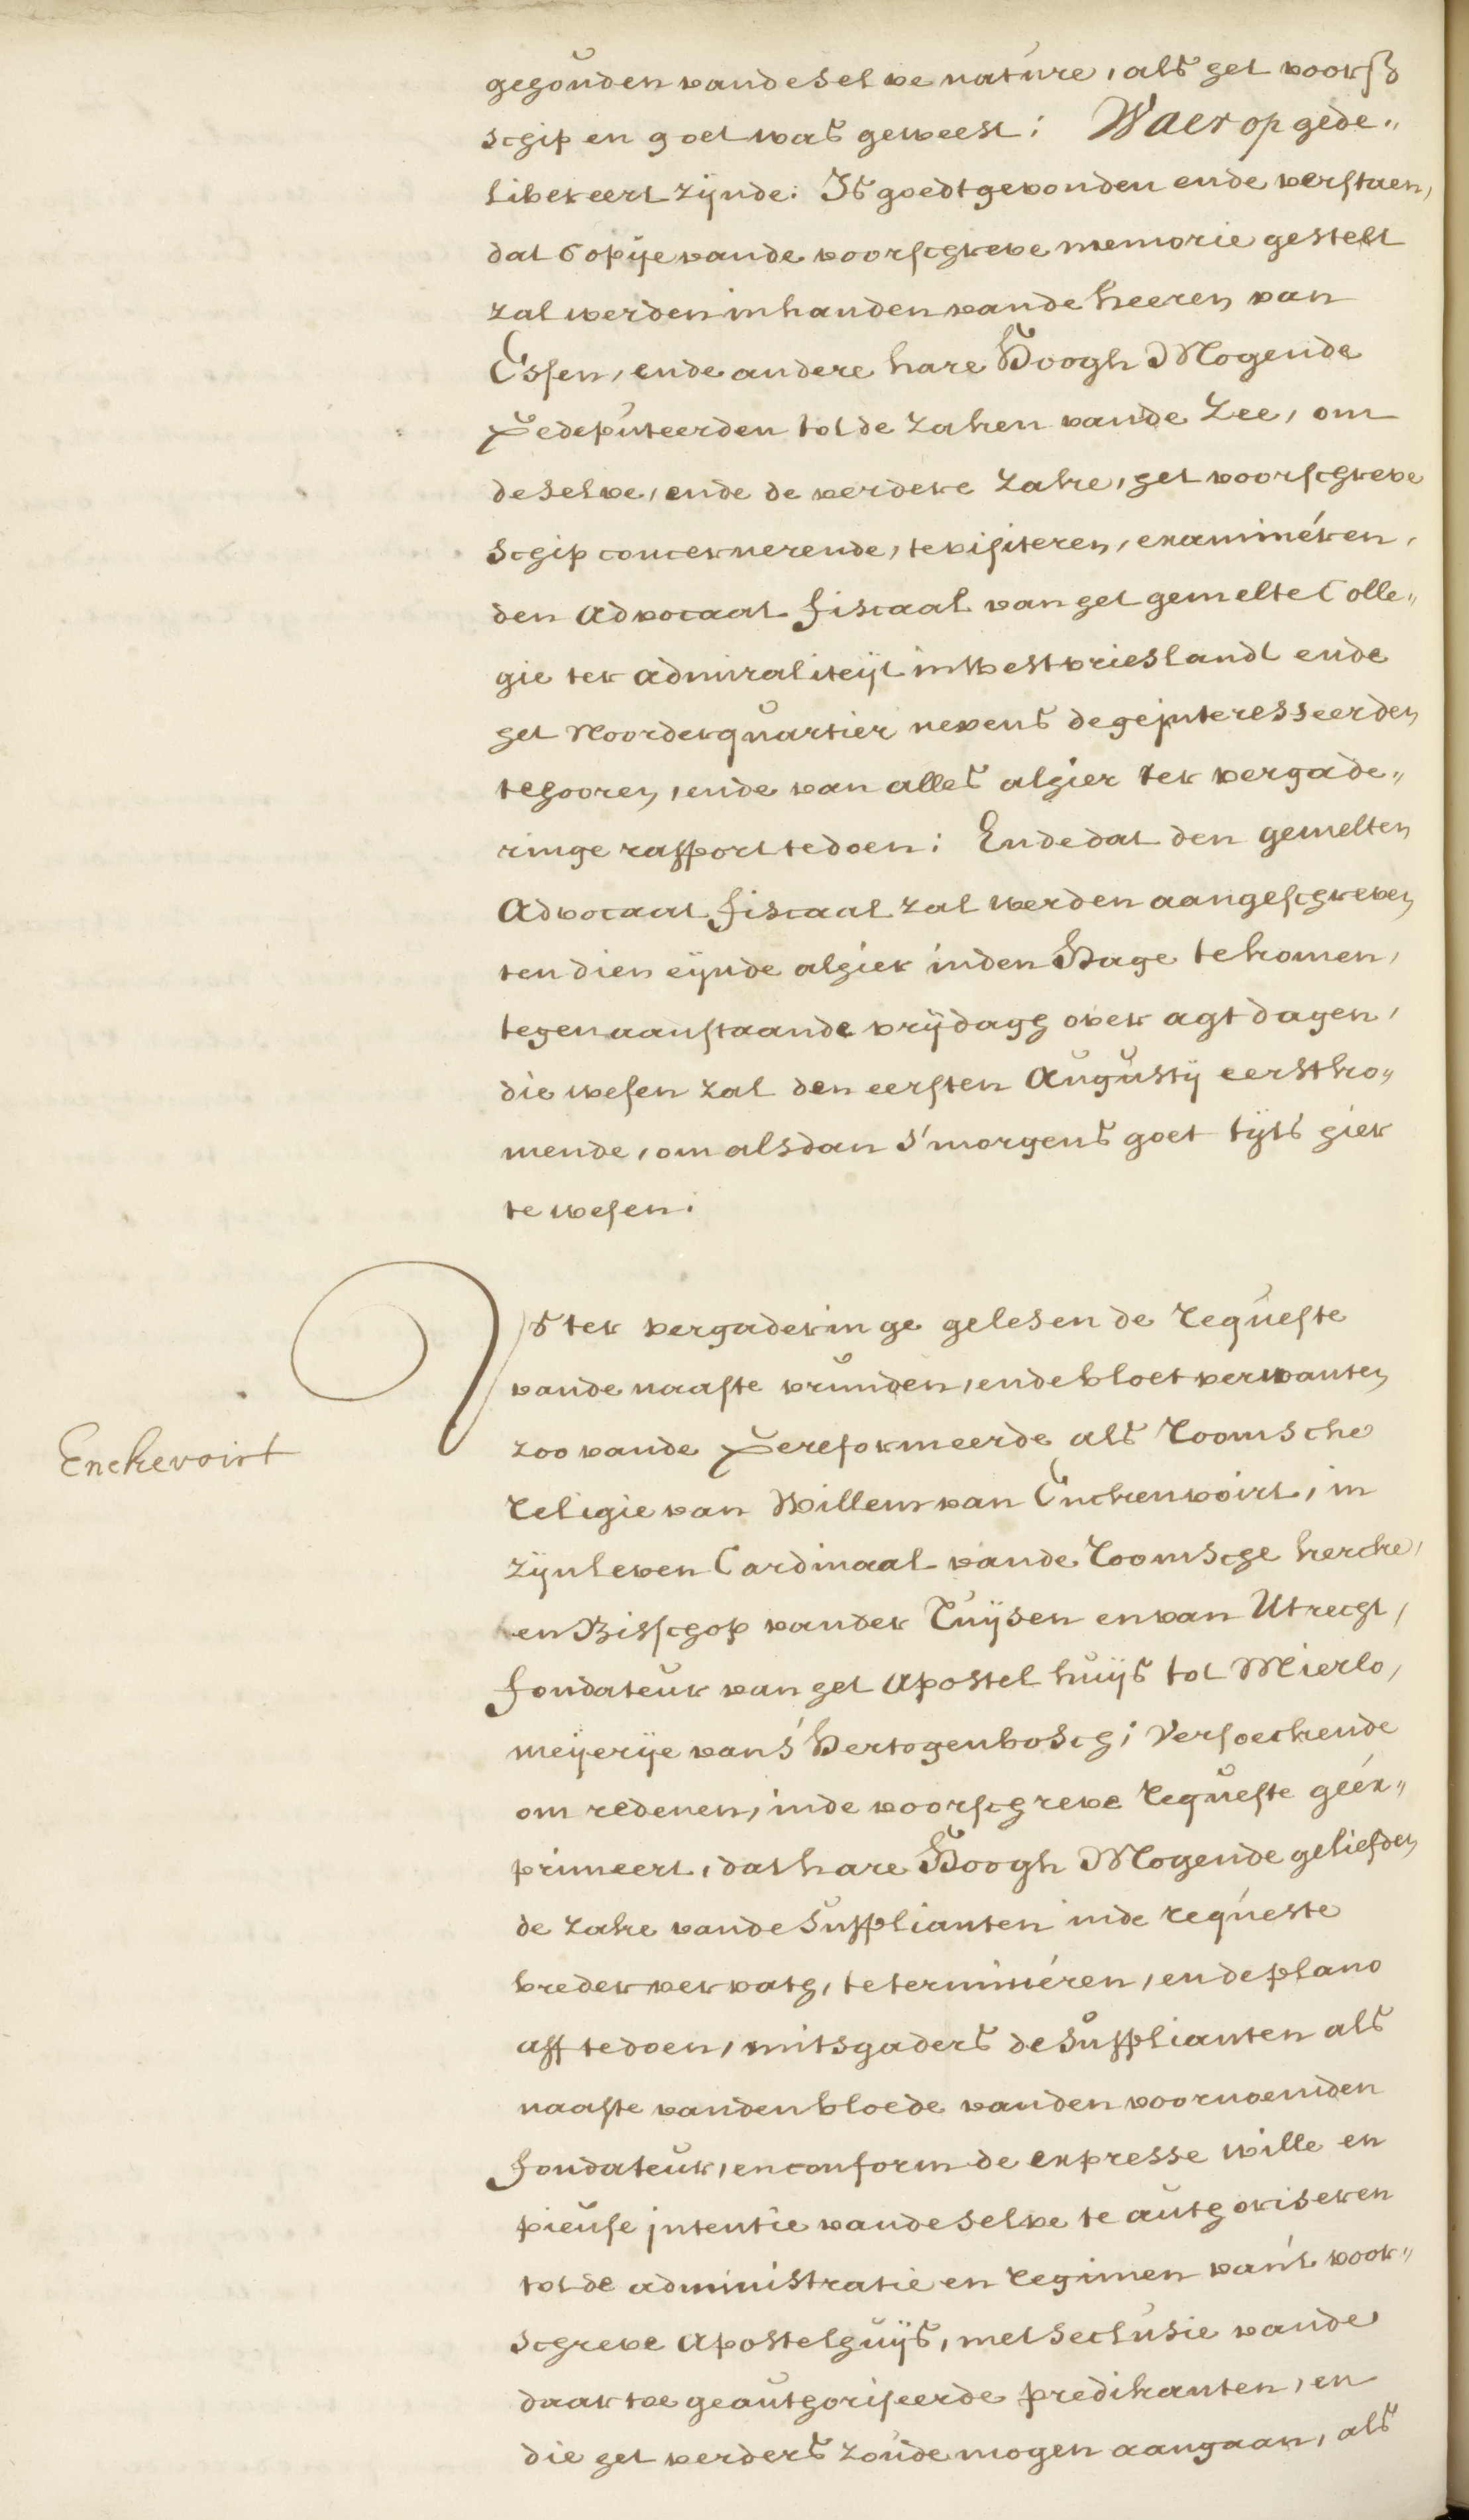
gehouden vande selve nature, als het voors.
schip en goet was geweest: Waerop gede„
libereert zijnde: Is goedtgevonden ende verstaen,
dat copije vande voorschreve memorie gestelt
zal werden in handen vande heeren van
Essen, ende andere hare Hoogh Mogende
Gedeputeerden tot de zaken vande Zee, om
deselve, ende de verdere zake, het voorschreve
schip concernerende, te visiteren, examinéren,
den advocaat fiscaal van het gemelte Colle„
gie ter admiraliteijt in Westvrieslandt ende
het Noorderquartier nevens de geinteresseerden
te hooren, ende van alles alhier ter vergade„
ringe rapport te doen: Ende dat den gemelten
Advocaat fiscaal zal werden aangeschreven
ten dien eijnde alhier inden Hage te komen,
tegen aanstaande vrijdagh over agt dagen,
die wesen zal den eersten Augustij eerstko„
mende, om alsdan s'morgens goet tijts hier
te wesen.
Enckevoirt
Is ter vergaderingen gelesen de requeste
vande naaste vrunden, ende bloetverwanten
zoo vande Gereformeerde als Roomsche
Religie van Willem van Enckenvoirt, in
zijn leven Cardinaal vande Roomsche kercke,
en bisschop vander Tuijsen en van Utrecht,
fondateur van het Apostel huijs tot Mierlo,
meijerije van s'Hertogenbosch; versoeckende
om redenen, inde voorschreve requeste geéx„
primeert, dat hare Hoogh Mogende geliefden
de zake vande supplianten inde requeste
breder vervath, te terminéren en de plano
aff te doen, mitsgaders de supplianten als
naaste vanden bloede vanden voornoemden
fondateur, en conform de expresse wille en
pieuse intentie vande selve te authoriseren
tot de administratie en regimen van 't voor„
schreve Apostelhuijs, met seclusie vande
daar toe geauthoriseerde predikanten, en
die het verders zoude mogen aangaan, als
